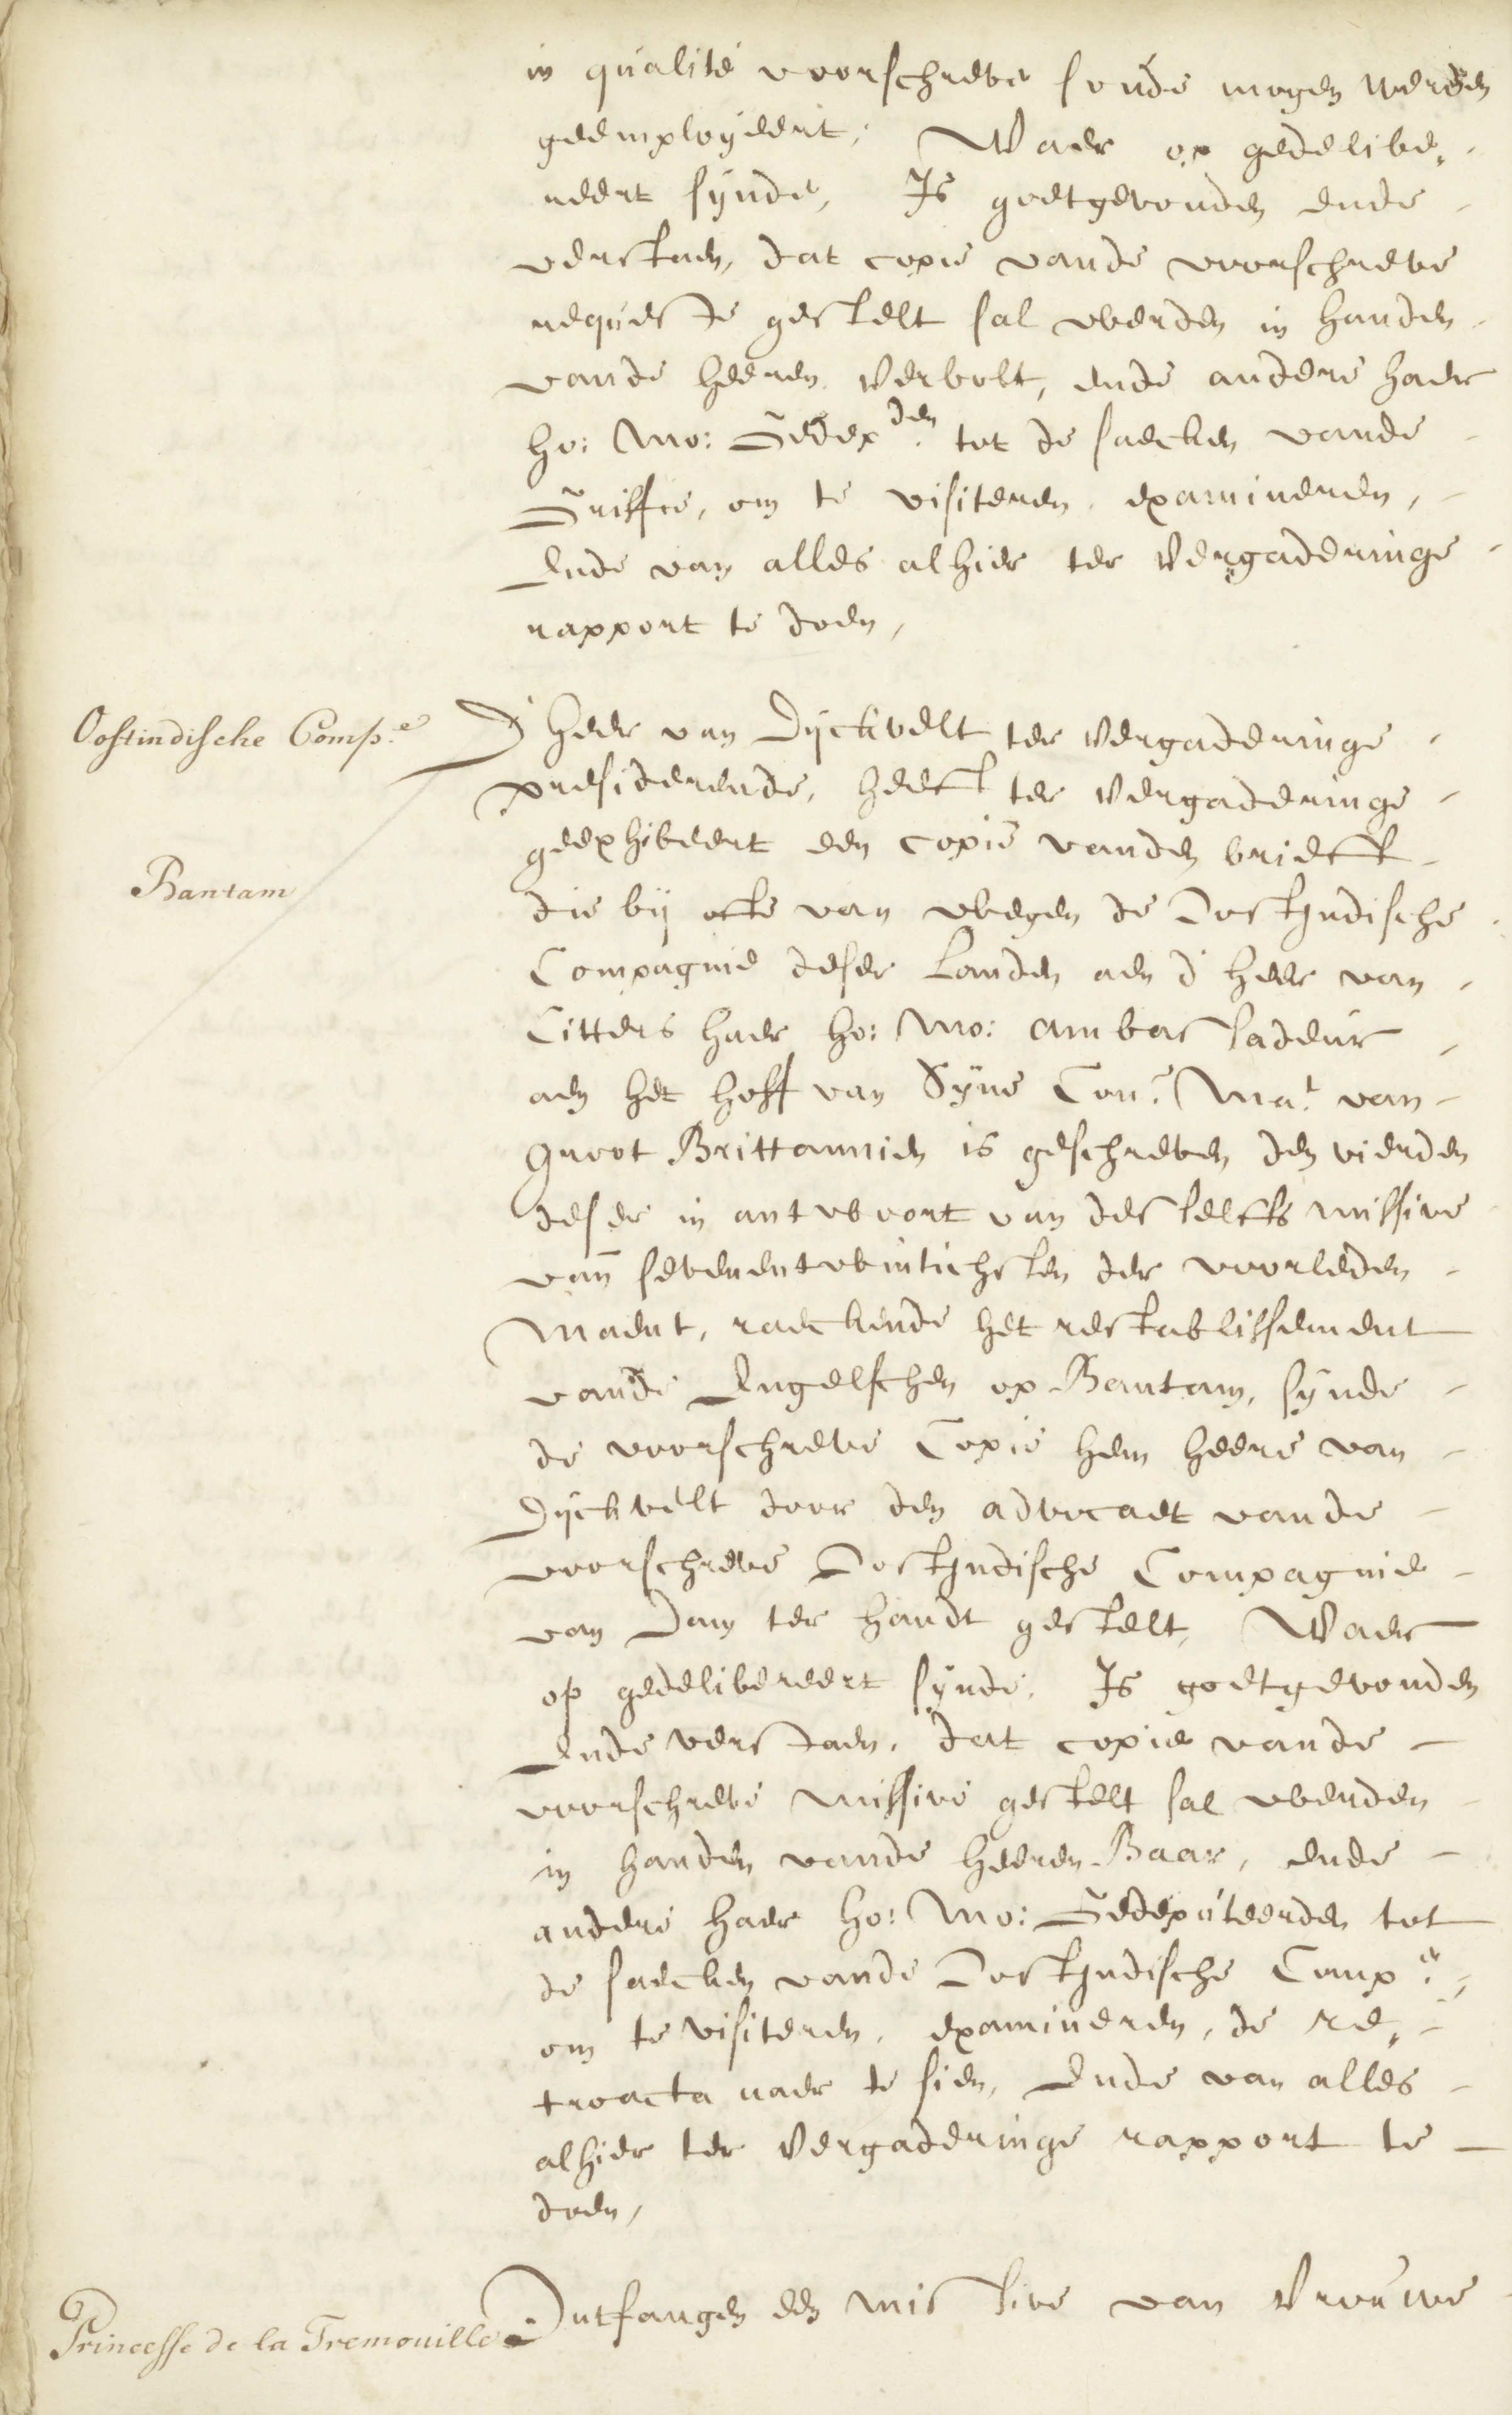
in qualité voorschreve soude mogen werden
geemploijeert; Waer op gedelibe„
reert sijnde, Is goetgevonden ende
verstaen, dat copie vande voorschreve
requeste gestelt sal werden in handen
vande heeren Verbolt, ende andere haer
ho:mo: Gedepden. tot de saecken vande
Griffie, om te visiteren, examineren,
ende van alles alhier ter Vergaderinge
rapport te doen.
Ooftindische Compe.
Bantam
D'heer van Dijckvelt ter Vergaderinge
presiderende, heeft ter Vergaderinge
geexhibeert een copie vanden brieff
die bij ofte van wegen de Oostindische
Compagnie deser Landen aen d'heer van
Citters haer ho:mo: ambassadeur
aen het hoff van Sijne Cone. Mat. van
Groot Brittannien is geschreven den vierden
deser in antwoort van desselffs missive
van sevenentwintichsten der voorleden
maent, raeckende het restablissement
vande Engelschen op Bantam, sijnde
de voorschreve Copie hem heere van
Dijckvelt door den advocaet van de
voorschreve Oostindische Compagnie
van Dam ter handt gestelt. Waer
op gedelibereert sijnde; Is goetgevonden
ende verstaen, dat copie vande
voorschreve missive gestelt sal werden
in handen vande heeren Baar, ende
andere haer ho:mo: Gedeputeerden tot
de saecken vande Oostindische Compe.
om te visiteren, examineren, de re,,
troacta naer te sien, ende van alles
alhier ter vergaderinge rapport te
doen.
Princesse de la Tremouille
Ontfangen een missive van Vrouwe
